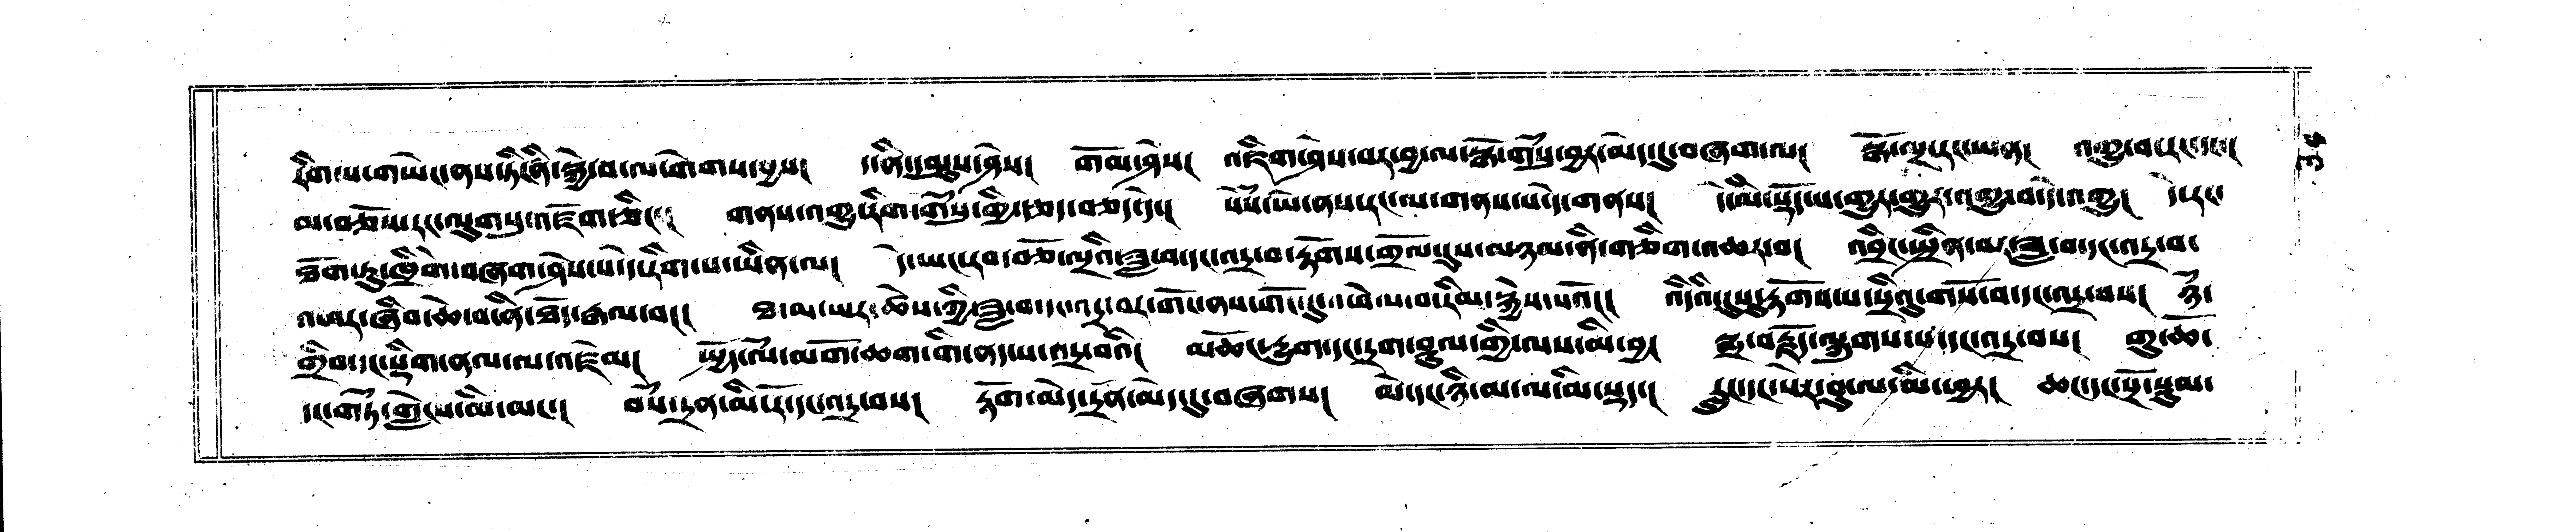རིག་པ་གཡེངས་ནས་ཏིང་འཛིན་སྐྱེ་བ་ལ་གེགས་བྱས། ད་ནི་དམུས་ཤེས། འཇིག་ཤེས་པར་བྱ་ལ་སྒོ་གསུམ་བྱར་མེད་དུ་བཞག་ལ། སྒོ་ལྔ་རང་ཡན། འགྱུ་བ་རང་དང་། 
མ་བཅོས་རང་ལུགས་སུ་འཇོག་ཅིང་། གནས་འགྱུ་རིག་གསུམ་གྱིས་རྩད་བཅད་དེ། སེམས་ཡེ་ནས་རང་ལ་གནས་པ་དེ་གནས། དེ་མི་སྡོད་པར་གྱུར་གྱུར་འགྱུ་བ་དེ་འགྱུ། དེ་རང་
ཐོག་ཏུ་ཁྲེག་གེ་བཞག་ཤེས་པ་དེ་རིག་པ་ཡིན་ལ། དེ་ཡང་རབ་བཅོ་ལྔའི་ཟླ་བ་རྟོགས་གྲོལ་དུས་མཉམ་ནི་གཅིག་ཆར་བ། འབྲིང་སྤྲིན་བར་གྱི་ཟླ་བ་དང་འདྲ་བ་
འཕར་ཞིབ་ཆེ་བ་ནི་ཐོད་རྒལ་བ། ཐ་མ་ཡར་ཚེས་ཀྱི་ཟླ་བ་དང་འདྲ་བར་གོང་ནས་གོང་དུ་འཕེལ་བ་རིམ་སྐྱེས་པའོ། །འདིའི་དུས་སུ་རྟོག་པ་སྲིའུ་གསོ་བ་དང་འདྲ་བས། ཉམ་
གྲིབ་དང་སྡིག་ནལ་ལ་འཛེམ། སྤྱོད་ལམ་མགོ་ཆག་གི་ནད་པ་དང་འདྲ་བས། མཆོང་རྒྱུག་དང་དྲག་ཤུལ་གྱི་ལས་མི་བྱ། སྨྲ་བརྗོད་ལྐུགས་པ་དང་འདྲ་བས། ཀུ་ཅོ་
དང་གཏམ་གླེང་མི་མང་། བསམ་དྲན་མི་རོ་དང་འདྲ་བས། རྟོག་མེད་དྲན་མེད་དུ་བཞག མེ་དང་ཉི་མ་ལ་མི་བསྡད། རླུང་དང་སེར་བུ་ལ་མི་ཕྱར། ཆང་དང་སྔོ་སྡུམ་